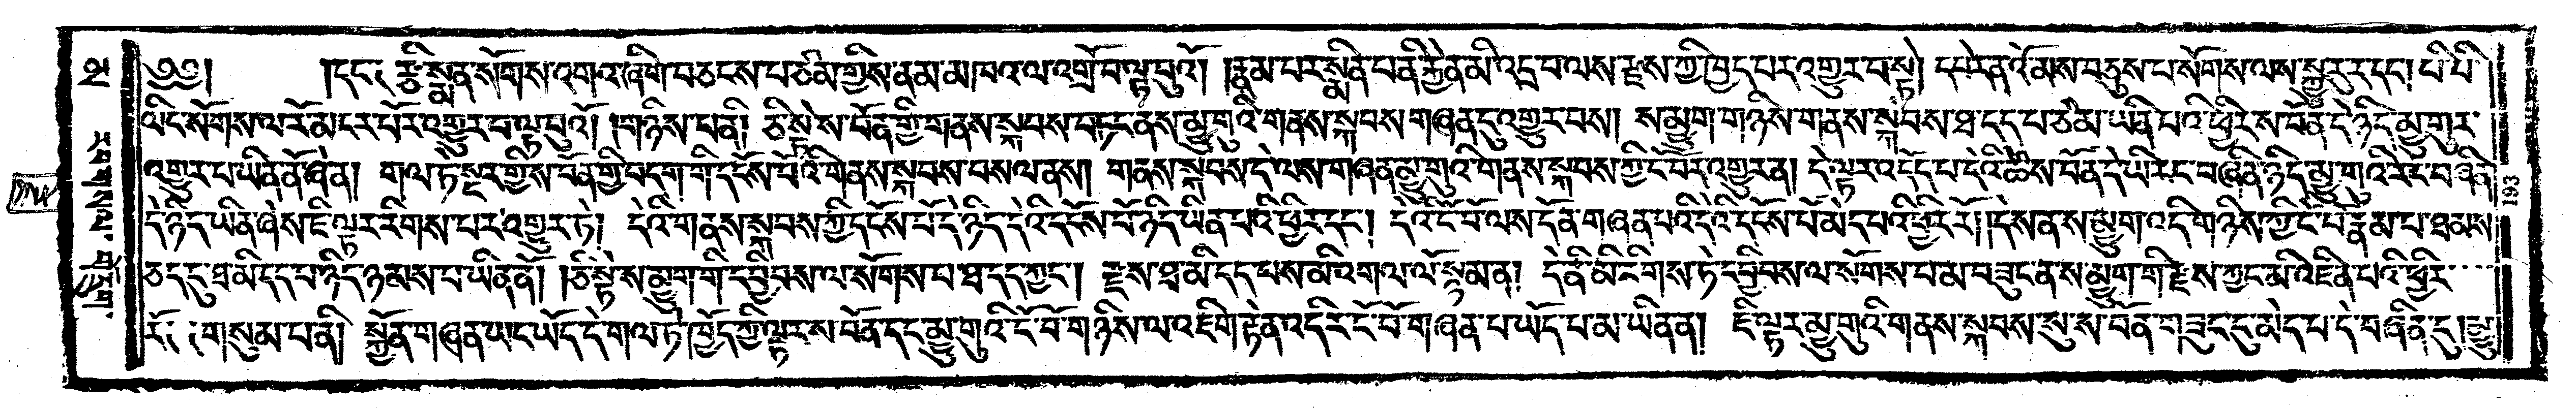༄༅། །དང༑ རྩི་སྨན་སོགས་འགའ་ཞིག་བཅངས་པ་ཙམ་གྱིས་ནམ་མཁའ་ལ་འགྲོ་བ་ལྟ་བུའོ། །རྣམ་པར་སྨིན་པ་ནི་རྐྱེན་མི་འདྲ་བ་ལས་རྫས་ཀྱི་ཁྱད་པར་འགྱུར་བ་སྟེ། དཔེར་ན་འོ་མས་བཅུས་པ་སོགས་ལས་སྐྱུ་རུ་ར་དང་། པི་པི་
ལིང་སོགས་ལ་རོ་མངར་པོར་འགྱུར་བ་ལྟ་བུའོ། །གཉིས་པ་ནི། ཅི་སྟེ་ས་བོན་གྱི་གནས་སྐབས་བཏང་ནས་མྱུ་གུའི་གནས་སྐབས་གཞན་དུ་གྱུར་པས། ས་མྱུག་གཉིས་གནས་སྐབས་ཐ་དད་པ་ཙམ་ཡིན་པའི་ཕྱིར་ས་བོན་དེ་ཉིད་མྱུ་གུར་
འགྱུར་བ་ཡིན་ནོ་ཞེ་ན། གལ་ཏེ་སྔར་གྱི་ས་བོན་གྱི་བདག་གི་དངོས་པོའི་གནས་སྐབས་བསལ་ནས། གནས་སྐབས་དེ་ལས་གཞན་མྱུ་གུའི་གནས་སྐབས་ཀྱི་ངོ་བོར་འགྱུར་ན། དེ་ལྟར་འདོད་པ་དེའི་ཚེ་ས་བོན་དེ་ཡི་རང་བཞིན་ཉིད་མྱུ་གུའི་རང་བཞིན་
དེ་ཉིད་ཡིན་ཞེས་ཇི་ལྟར་རིགས་པར་འགྱུར་ཏེ། དེའི་གནས་སྐབས་ཀྱི་དངོས་པོ་དེ་ཉིད་དེའི་དངོས་པོ་ཉིད་ཡིན་པའི་ཕྱིར་དང་། དེའི་ངོ་བོ་ལས་དོན་གཞན་པའི་དེའི་དངོས་པོ་མེད་པའི་ཕྱིར་རོ། །དེས་ན་ས་མྱུག་འདི་གཉིས་ཀྱི་ངོ་བོ་རྣམ་པ་ཐམས་
ཅད་དུ་ཐ་མི་དད་པ་ཉིད་ཉམས་པ་ཡིན་ནོ། །ཅི་སྟེ་ས་མྱུག་གི་དབྱིབས་ལ་སོགས་པ་ཐ་དད་ཀྱང་། རྫས་ཐ་མི་དད་པས་མི་འགལ་ལོ་སྙམ་ན། དེ་ནི་མི་རིགས་ཏེ་དབྱིབས་ལ་སོགས་པ་མ་བཟུང་ན་ས་མྱུག་གི་རྫས་ཀྱང་མི་འཛིན་པའི་ཕྱིར་
རོ༑ ༑གསུམ་པ་ནི། སྐྱོན་གཞན་ཡང་ཡོད་དེ་གལ་ཏེ་ཁྱོད་ཀྱི་ལྟར་ས་བོན་དང་མྱུ་གུའི་ངོ་བོ་གཉིས་ལ་འཇིག་རྟེན་འདིར་ངོ་བོ་གཞན་པ་ཡོད་པ་མ་ཡིན་ན། ཇི་ལྟར་མྱུ་གུའི་གནས་སྐབས་སུ་ས་བོན་གཟུང་དུ་མེད་པ་དེ་བཞིན་དུ། མྱུ་